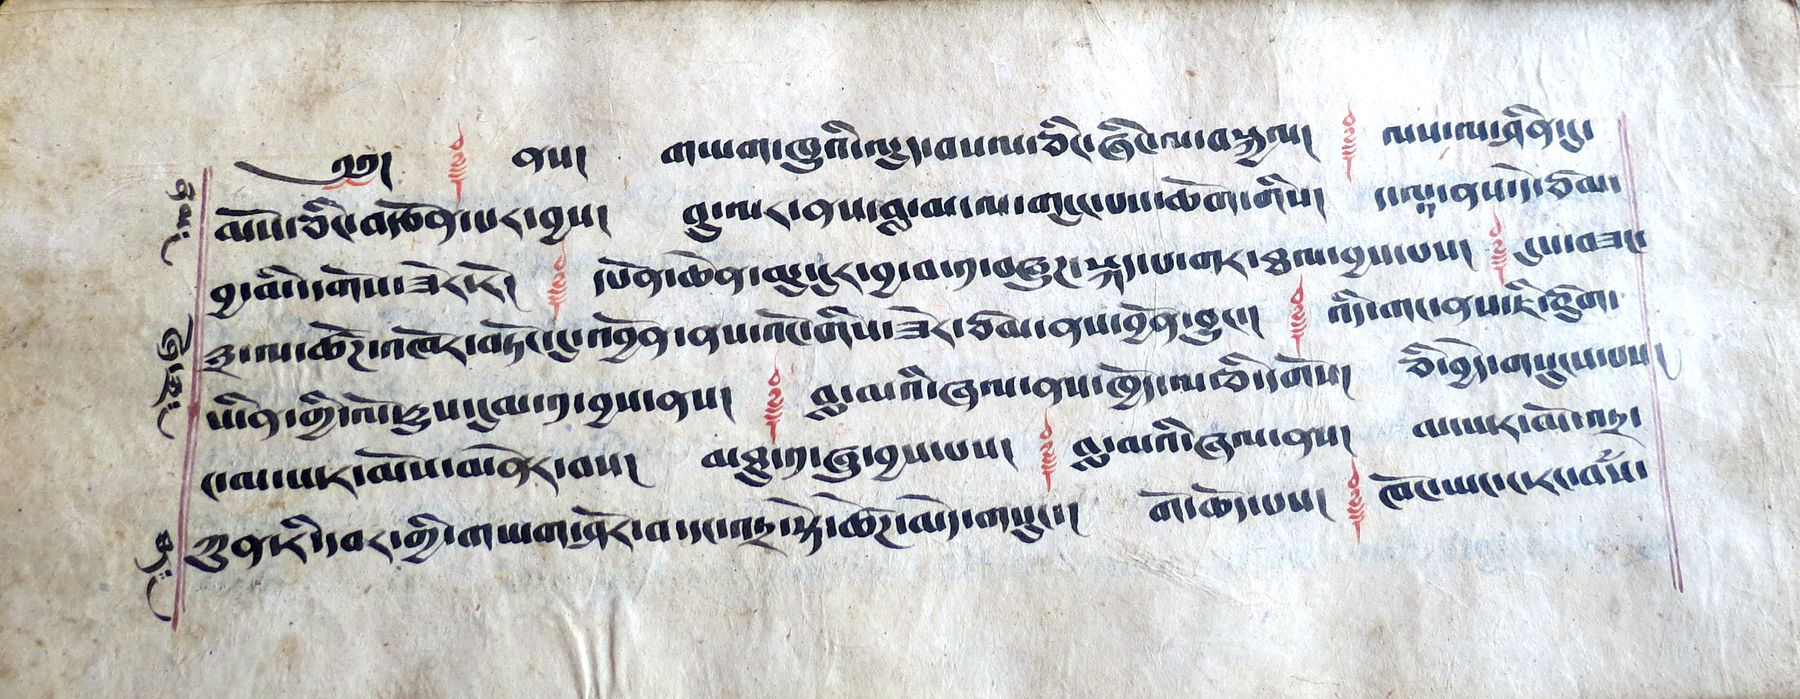ནས། གཡག་ཁྱུའི་ལུད་བསལ་ཞིང་ཞིང་ལ་བསྐྱལ། ལས་ལ་ཤིན་ཏུ་
མོས་ཤིང་བརྩོན་པར་བྱས། བུ་ལར་བླ་མ་ལ་གདུང་པས་ཆོག་གི་ད་ལྟ་ནས་དེ་ཙམ་
བྱ་མི་དགོས་ཟེར་རོ། ། དཔོན་ཆེན་ལྷུན་གྲུབ་མུ་ཐུར་བྱ་བ་ཞིག་བཞུགས་སྐད་པས་གར་ཐལ་བྱས་པས། དུས་བཟང་
གསུམ་ལ་ཚོགས་འཁོར་གཏོང་དུ་བྱོན་ནས་འོང་གི་ཟེར་ཙམ་ན་བྱོན་བྱུང་། འདི་གང་ནས་ཅི་ཙུག་
ཡིན་གྱི་ལོ་རྒྱུས་དུ་མ་ཞིག་བྱས་ནས། བླ་མའི་ཞལ་ནས་ཁྱོད་ལ་ཅི་དགོས་ཅི་བྱེད་གསུངས་པ། 
ང་མ་ཡར་མོས་མནར་བས་མཐུ་ཞིག་ཞུ་བྱས་པས། བླ་མའི་ཞལ་ནས། མ་ཡར་མོ་འདྲ་
ཀུན་རུ་བར་གྱི་གཡག་ཤོར་བ་དང་འདྲ་སྟེ་ཚེགས་མེད་གསུངས། གོ་ཆོད་པས་ཁོང་ཡང་ང་རང་བསམ་